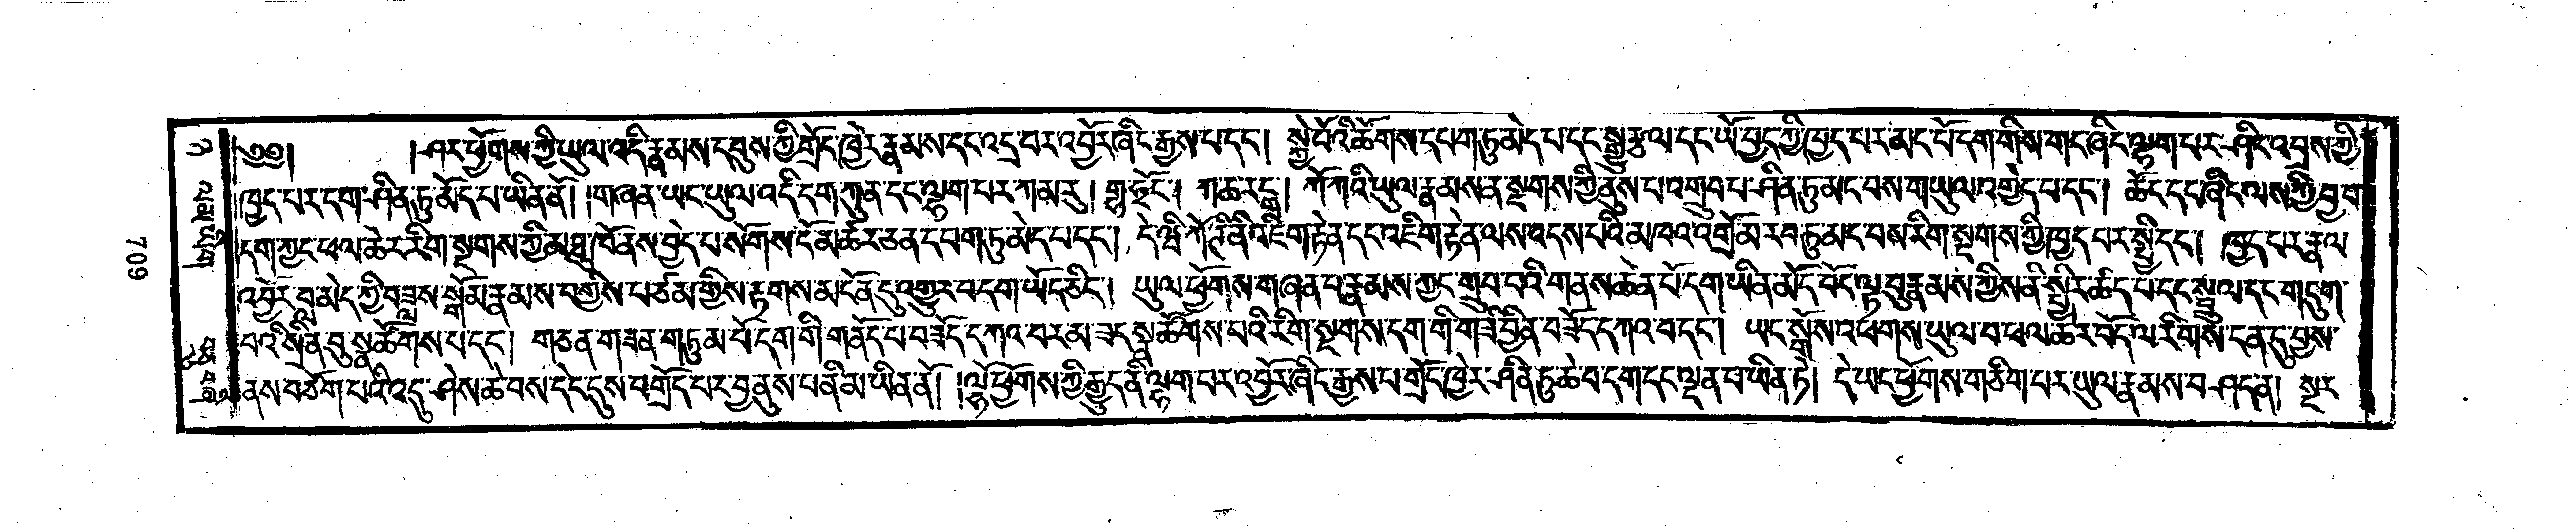༄༅། །ཤར་ཕྱོགས་ཀྱི་ཡུལ་འདི་རྣམས་དབུས་ཀྱི་གྲོང་ཁྱེར་རྣམས་དང་འདྲ་བར་འབྱོར་ཞིང་རྒྱས་པ་དང་། སྐྱེ་བོའི་ཚོགས་དཔག་ཏུ་མེད་པ་དང་སྒྱུ་རྩལ་དང་ཡོ་བྱད་ཀྱི་ཁྱད་པར་མང་པོ་དག་གིས་གང་ཞིང་ལྷག་པར་ཤིང་འབྲས་ཀྱི་
ཁྱད་པར་དག་ཤིན་ཏུ་མོད་པ་ཡིན་ནོ། །གཞན་ཡང་ཡུལ་འདི་དག་ཀུན་དང་ལྷག་པར་ཀམ་རུ། གྷ་ཧྲོང་། ཀ་ཆ་རངྒ། ཀོ་ཀའི་ཡུལ་རྣམས་ན་སྔགས་ཀྱི་ནུས་པ་འགྲུབ་པ་ཤིན་ཏུ་མང་བས་གཡུལ་འགྱེད་པ་དང་། ཚོང་དང་ཞིང་ལས་ཀྱི་བྱ་བ་
དག་ཀྱང་ཕལ་ཆེར་རིག་སྔགས་ཀྱི་མཐུ་ཁོ་ནས་བྱེད་པ་སོགས་ངོ་མཚར་ཅན་དཔག་ཏུ་མེད་པ་དང་། དེ་ཝི་ཀོ་ཊི་ནི་འཇིག་རྟེན་དང་འཇིག་རྟེན་ལས་འདས་པའི་མཁའ་འགྲོ་མ་རབ་ཏུ་མང་བས་རིག་སྔགས་ཀྱི་ཁྱད་པར་སྤྱི་དང་། ཁྱད་པར་རྣལ་
འབྱོར་བླ་མེད་ཀྱི་བཟླས་སྒོམ་རྣམས་བགྱིས་པ་ཙམ་གྱིས་རྟགས་མངོན་དུ་འགྱུར་བ་དག་ཡོད་ཅིང་། ཡུལ་ཕྱོགས་གཞན་པ་རྣམས་ཀྱང་གྲུབ་པའི་གནས་ཆེན་པོ་དག་ཡིན་མོད་བོང་ལྟ་བུ་རྣམས་ཀྱིས་ནི་སྤྱིར་ཚད་པ་དང་སྦྲུལ་དང་གདུག་
བའི་སྲིན་བུ་སྣ་ཚོགས་པ་དང་། གཅན་གཞན་གཏུམ་པོ་དག་གི་གནོད་པ་བཟོད་དཀའ་བར་མ་ཟད་སྣ་ཚོགས་པའི་རིག་སྔགས་དག་གི་གཟི་བྱིན་བཟོད་དཀའ་བ་དང་། ཡང་སོགས་འཕགས་ཡུལ་བ་ཕལ་ཆེར་བོད་ལ་རིགས་ངན་དུ་བྱས་
ནས་བཅོག་པའི་འདུ་ཤེས་ཆེ་བས་དེང་དུས་བགྲོད་པར་བྱ་ནུས་པ་ནི་མ་ཡིན་ནོ། །ལྷོ་ཕྱོགས་ཀྱི་རྒྱུད་ནི་ལྷག་པར་འབྱོར་ཞིང་རྒྱས་པ་གྲོང་ཁྱེར་ཤིན་ཏུ་ཆེ་བ་དག་དང་ལྡན་པ་ཡིན་ཏེ། དེ་ཡང་ཕྱོགས་གཅིག་པར་ཡུལ་རྣམས་བཤད་ན། སྔར་